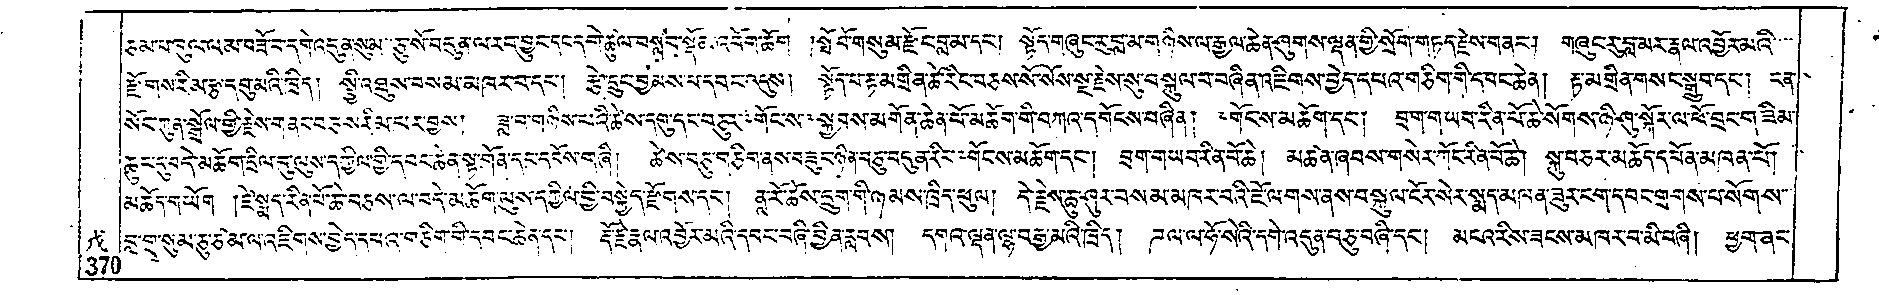ཅམ་པ་ཁུལ་ལམ་བཟོ་བ་དགེ་འདུན་སུམ་ཅུ་སོ་བདུན་ལ་རབ་བྱུང་དང་དགེ་ཚུལ་བསླབ་སྡོམ་འབོག་ཆོག །སྤོ་བོ་གསུམ་རྫོང་བླ་མ་དང་། སྟོད་གཞུང་རུ་བླ་མ་གཉིས་ལ་རྒྱལ་ཆེན་ཤུགས་ལྡན་གྱི་སྲོག་གཏད་རྗེས་གནང་། གཞུང་རུ་བླ་མར་རྣལ་འབྱོར་མའི་
རྫོགས་རིམ་རྩ་དབུ་མའི་ཁྲིད། སྤྱི་འཐུས་བསམ་མཁར་བ་དང་། རྩེ་དྲུང་བྱམས་པ་དབང་འདུས། སྟོད་པ་རྟ་མགྲིན་ཚེ་རིང་བཅས་སོ་སོས་སྔ་རྗེས་སུ་བསྐུལ་བ་བཞིན་འཇིགས་བྱེད་དཔའ་གཅིག་གི་དབང་ཆེན། རྟ་མགྲིན་གསང་སྒྲུབ་དང་། ངན་
སོང་ཀུན་སྒྲོལ་གྱི་རྗེས་གནང་བཅས་རིམ་པར་བྱས། ཟླ་བ་གཉིས་པའི་ཚེས་དགུ་དང་བཅུར་༧གོང་ས་༧སྐྱབས་མགོན་ཆེན་པོ་མཆོག་གི་བཀའ་དགོངས་བཞིན། ༧གོང་ས་མཆོག་དང་། བྲག་གཡབ་རིན་པོ་ཆེ་སོགས་ཉི་ཤུ་སྐོར་ལ་ཕོ་བྲང་གཟིམ་
ཆུང་དུ་བདེ་མཆོག་དྲིལ་བུ་ལུས་དཀྱིལ་གྱི་དབང་ཆེན་སྟ་གོན་དང་དངོས་གཞི། ཚེས་བཅུ་གཅིག་ནས་བཟུང་ཉིན་བཅུ་བདུན་རིང་༧གོང་ས་མཆོག་དང་། བྲག་གཡབ་རིན་པོ་ཆེ། མཚན་ཞབས་གསེར་ཀོང་རིན་པོ་ཆེ། སྐུ་བཅར་མཆོད་དཔོན་མཁན་པོ།
མཆོད་གཡོག །ཛེ་སྨད་རིན་པོ་ཆེ་བཅས་ལ་བདེ་མཆོག་ལུས་དཀྱིལ་གྱི་བསྐྱེད་རྫོགས་དང་། ནཱ་རོ་ཆོས་དྲུག་གི་ཉམས་ཁྲིད་ཕུལ། དེ་རྗེས་ཆུ་ཤུར་བསམ་མཁར་བའི་ཇོ་ལགས་ནས་བསྐུལ་ངོར་སེར་སྨད་མཁན་ཟུར་ངག་དབང་གྲགས་པ་སོགས་
བླ་གྲྭ་སུམ་ཅུ་ཙམ་ལ་འཇིགས་བྱེད་དཔའ་གཅིག་གི་དབང་ཆེན་དང་། རྡོ་རྗེ་རྣལ་འབྱོར་མའི་དབང་བཞི་བྱིན་རླབས། དགའ་ལྡན་ལྷ་བརྒྱ་མའི་ཁྲིད། ཌལ་ལ་ཧོ་སེའི་དགེ་འདུན་བཅུ་བཞི་དང་། མངའ་རིས་ཟངས་མཁར་བ་མི་བཞི། ཕྱག་ནང་